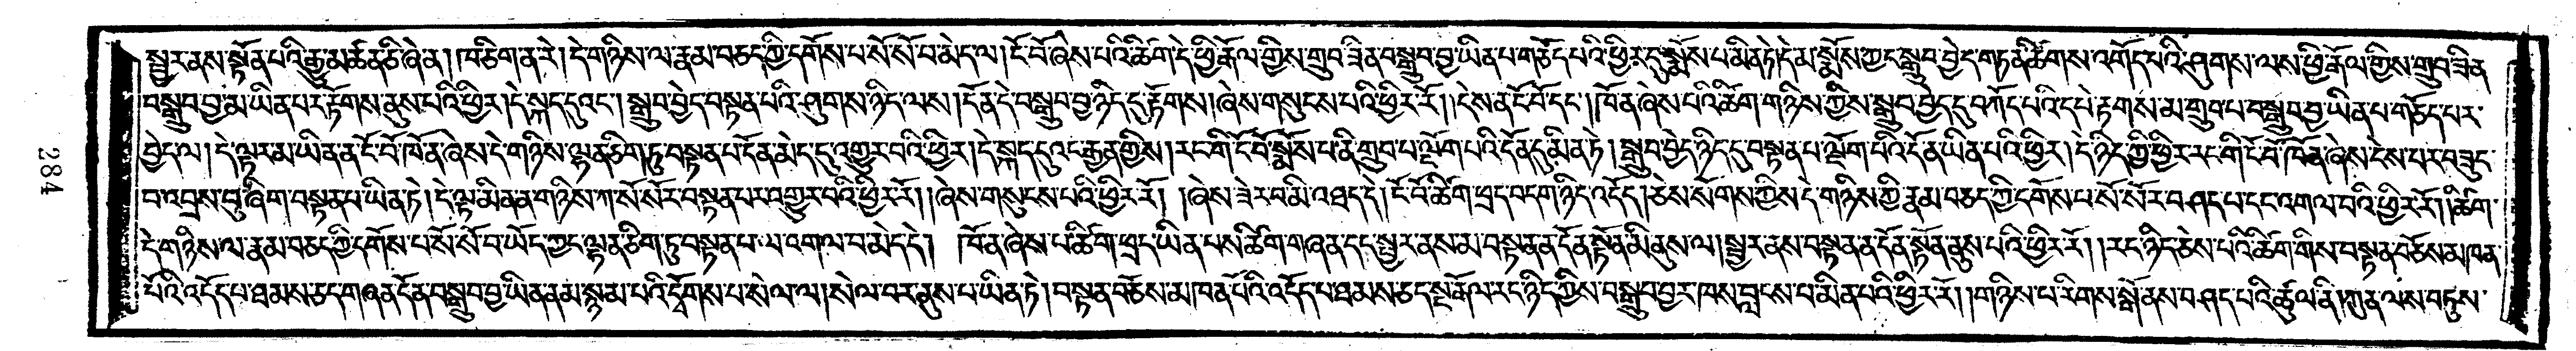སྦྱར་ན་སྟོན་པའི་རྒྱུ་མཚན་ཅི་ཞེ་ན། ཁ་ཅིག་ན་རེ། དེ་གཉིས་ལ་རྣམ་བཅད་ཀྱི་དགོས་པ་སོ་སོ་བ་མེད་ལ། ངོ་བོ་ཞེས་པའི་ཚིག་དེ་ཕྱི་རྒོལ་གྱིས་གྲུབ་ཟིན་བསྒྲུབ་བྱ་ཡིན་པ་གཅད་པའི་ཕྱིར་དུ་སྨོས་པ་མིན་ཏེ། དེ་མ་སྨོས་ཀྱང་སྒྲུབ་བྱེད་གཏན་ཚིགས་འགོད་པའི་ཤུགས་ལས་ཕྱི་རྒོལ་གྱིས་གྲུབ་ཟིན་
བསྒྲུབ་བྱ་མ་ཡིན་པར་རྟོགས་ནུས་པའི་ཕྱིར། དེ་སྐད་དུའང་། སྒྲུབ་བྱེད་བསྟན་པའི་ཤུགས་ཉིད་ལས། དོན་དེ་བསྒྲུབ་བྱ་ཉིད་དུ་རྟོགས། ཞེས་གསུངས་པའི་ཕྱིར་རོ། །དེས་ན་ངོ་བོ་དང་། ཁོ་ན་ཞེས་པའི་ཚིག་གཉིས་ཀྱིས་སྒྲུབ་བྱེད་དུ་བཀོད་པའི་དཔེ་རྟགས་མ་གྲུབ་པ་བསྒྲུབ་བྱ་ཡིན་པ་གཅོད་པར་
བྱེད་ལ། དེ་ལྟར་མ་ཡིན་ན་ངོ་བོ་ཁོ་ན་ཞེས་དེ་གཉིས་ལྷན་ཅིག་ཏུ་བསྟན་པ་དོན་མེད་དུ་འགྱུར་བའི་ཕྱིར། དེ་སྐད་དུའང་རྒྱན་གྱིས། རང་གི་ངོ་བོ་སྨོས་པ་ནི་གྲུབ་པ་ལྡོག་པའི་དོན་དུ་མིན་ཏེ། སྒྲུབ་བྱེད་ཉིད་དུ་བསྟན་པ་ལྡོག་པའི་དོན་ཡིན་པའི་ཕྱིར། དེ་ཉིད་ཀྱི་ཕྱིར་རང་གི་ངོ་བོ་ཁོ་ན་ཞེས་ངེས་པར་བཟུང་
བ་འབྲས་བུ་ཞིག་བསྟན་པ་ཡིན་ཏེ། དེ་ལྟ་མིན་ན་གཉིས་ཀ་སོ་སོར་བསྟན་པར་འགྱུར་བའི་ཕྱིར་རོ། །ཞེས་གསུངས་པའི་ཕྱིར་རོ། །ཞེས་ཟེར་བ་མི་འཐད་དེ། ངོ་བོ་ཚིག་ཕྲད་བདག་ཉིད་འདོད། ཅེས་སོགས་ཀྱིས་དེ་གཉིས་ཀྱི་རྣམ་བཅད་ཀྱི་དགོས་པ་སོ་སོར་བཤད་པ་དང་འགལ་བའི་ཕྱིར་རོ། །ཚིག་
དེ་གཉིས་ལ་རྣམ་བཅད་ཀྱི་དགོས་པ་སོ་སོ་བ་ཡོད་ཀྱང་ལྷན་ཅིག་ཏུ་བསྟན་པ་ལ་འགལ་བ་མེད་དེ། ཁོ་ན་ཞེས་པ་ཚིག་ཕྲད་ཡིན་པས་ཚིག་གཞན་དང་སྦྱར་ནས་མ་བསྟན་ན་དོན་སྟོན་མི་ནུས་ལ། སྦྱར་ནས་བསྟན་ན་དོན་སྟོན་ནུས་པའི་ཕྱིར་རོ། །རང་ཉིད་ཅེས་པའི་ཚིག་གིས་བསྟན་བཅོས་མཁན་
པོའི་འདོད་པ་ཐམས་ཅད་གཞན་དོན་བསྒྲུབ་བྱ་ཡིན་ནམ་སྙམ་པའི་དྭོགས་པ་སེལ་ལ། སེལ་བར་ནུས་པ་ཡིན་ཏེ། བསྟན་བཅོས་མཁན་པོའི་འདོད་པ་ཐམས་ཅད་སྔ་རྒོལ་རང་ཉིད་ཀྱིས་བསྒྲུབ་བྱར་ཁས་བླངས་པ་མིན་པའི་ཕྱིར་རོ། །གཉིས་པ་རིགས་སྒོ་ནས་བཤད་པའི་ཚུལ་ནི། ཀུན་ལས་བཏུས་